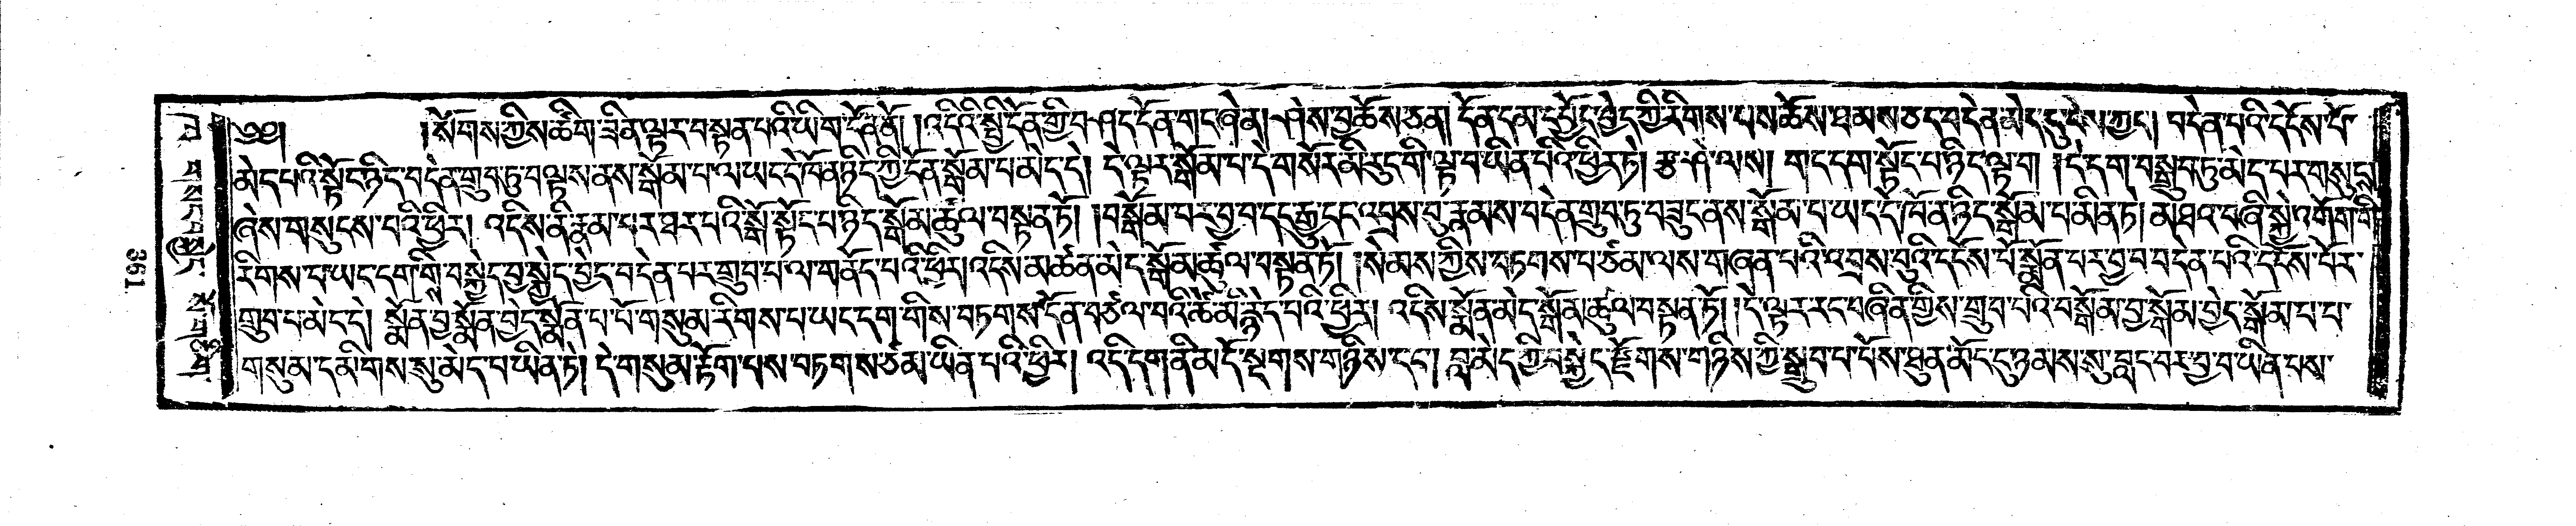༄༅། །སོགས་ཀྱིས་ཚིག་ཟིན་ལྟར་བསྟན་པའི་ཡིག་དོན་ནོ། །འདིའི་སྤྱི་དོན་གྱི་བཤད་དོན་གང་ཞེ་ན། ཤེས་བྱ་ཆོས་ཅན། དོན་དམ་དཔྱོད་བྱེད་ཀྱི་རིགས་པས་ཆོས་ཐམས་ཅད་བདེན་མེད་དུ་ངེས་ཀྱང་། བདེན་པའི་དངོས་པོ་
མེད་པའི་སྟོང་ཉིད་བདེན་གྲུབ་ཏུ་བལྟས་ནས་སྒོམ་པ་ལ་ཡང་དེ་ཁོ་ན་ཉིད་ཀྱི་དོན་སྒོམ་པ་མེད་དེ། དེ་ལྟར་སྒོམ་པ་དེ་གསོར་མི་རུང་གི་ལྟ་བ་ཡིན་པའི་ཕྱིར་ཏེ། རྩ་ཤེ་ལས། གང་དག་སྟོང་པ་ཉིད་ལྟ་བ། །དེ་དག་བསྒྲུབ་ཏུ་མེད་པར་གསུངས་
ཞེས་གསུངས་པའི་ཕྱིར། འདིས་ནི་རྣམ་པར་ཐར་པའི་སྒོ་སྟོང་པ་ཉིད་སྒོམ་ཚུལ་བསྟན་ཏོ། །བསྒོམ་པར་བྱ་བ་དང་རྒྱུ་དང་འབྲས་བུ་རྣམས་བདེན་གྲུབ་ཏུ་བཟུང་ནས་སྒོམ་པ་ཡང་དེ་ཁོ་ན་ཉིད་སྒོམ་པ་མིན་ཏེ། མཐའ་བཞི་སྐྱེ་འགོག་གི་
རིགས་པ་ཡང་དག་གི་བསྐྱེད་བྱ་སྐྱེད་བྱེད་བདེན་པར་གྲུབ་པ་ལ་གནོད་པའི་ཕྱིར། འདིས་མཚན་མེད་སྒོམ་ཚུལ་བསྟན་ཏོ། །སེམས་ཀྱིས་བཏགས་པ་ཙམ་ལས་གཞན་པའི་འབྲས་བུའི་དངོས་པོ་སྨོན་པར་བྱ་བ་བདེན་པའི་དངོས་བོར་
གྲུབ་པ་མེད་དེ། སྨོན་བྱ་སྨོན་བྱེད་སྨོན་པ་པོ་གསུམ་རིགས་པ་ཡང་དག་གིས་བཏགས་དོན་བཙལ་བའི་ཚེ་མི་རྙེད་པའི་ཕྱིར། འདིས་སྨོན་མེད་སྒོམ་ཚུལ་བསྟན་ཏོ། །དེ་ལྟར་རང་བཞིན་གྱིས་གྲུབ་པའི་བསྒོམ་བྱ་སྒོམ་བྱེད་སྒོམ་པ་པ་
གསུམ་དམིགས་སུ་མེད་པ་ཡིན་ཏེ། དེ་གསུམ་རྟོག་པས་བཏགས་ཙམ་ཡིན་པའི་ཕྱིར། འདི་དག་ནི་མདོ་སྔགས་གཉིས་དང་། བླ་མེད་ཀྱི་བསྐྱེད་རྫོགས་གཉིས་ཀྱི་སྒྲུབ་པ་པོས་ཐུན་མོང་དུ་ཉམས་སུ་བླང་བར་བྱ་བ་ཡིན་པས་